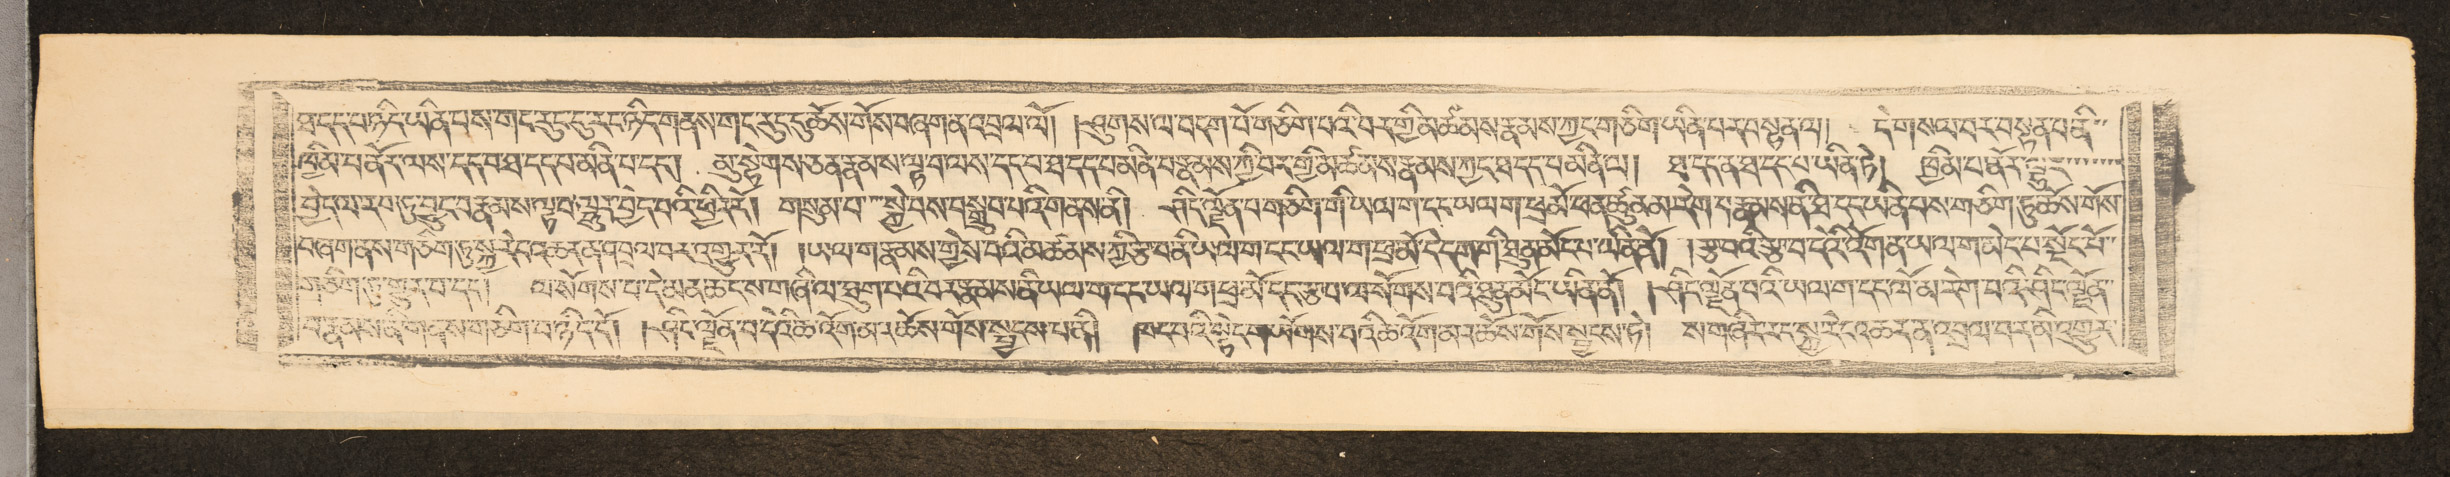ཐ་དད་པ་ཉིད་ཡིན་པས་གང་རུང་དུ་རང་ཉིད་གནས་གང་རུང་དུ་ཆོས་གོས་བཞག་ན་འབྲལ་ལོ། །ཤུགས་ལ་བདག་པོ་གཅིག་པའི་བར་གྱི་མཚམས་རྣམས་ཀྱང་གཅིག་ཡིན་པར་བསྟན་ལ། དེ་གསལ་བར་བསྟན་པ་ནི་
ཁྱིམ་པ་ནོར་ལས་དད་པ་ཐ་དད་པ་མིན་པ་དང་། མུ་སྟེགས་ཅན་རྣམས་ལྟ་བ་ལས་དད་པ་ཐ་དད་པ་མིན་པ་རྣམས་ཀྱི་བར་གྱི་མཚམས་རྣམས་ཀྱང་ཐ་དད་པ་མིན་ལ། ཐ་དད་ན་ཐ་དད་པ་ཡིན་ཏེ། ཁྱིམ་པ་ནོར་ལྷུར་
བྱེད་ལ་རབ་ཏུ་བྱུང་བ་རྣམས་ལྟ་བ་ལྷུར་བྱེད་པའི་ཕྱིར་རོ། །གསུམ་པ་སྐྱེ་བས་བསྒྲུབ་པའི་གནས་ནི། ཤིང་ལྗོན་པ་གཅིག་གི་ཡལ་ག་དང་ཡལ་ག་ཕྲ་མོ་ཕན་ཚུན་མ་རེག་པ་རྣམས་ནི་ཐ་དད་ཡིན་པས་གཅིག་ཏུ་ཆོས་གོས་
བཞག་ནས་གཅིག་ཏུ་སྐྱ་རེང་འཆར་ན་འབྲལ་བར་འགྱུར་རོ། །ཡལ་ག་རྣམས་གྱེས་པའི་མཚམས་ཀྱི་རྩ་བ་ནི་ཡལ་ག་དང་ཡལ་ག་ཕྲ་མོ་དེ་དག་གི་ཐུན་མོང་བ་ཡིན་ནོ། །རྩ་བའི་རྩ་བ་དེའི་འོག་ན་ཡལ་ག་མེད་པ་སྡོང་པོ་
གཅིག་ཏུ་གྱུར་པ་དང་། ལ་སོགས་པ་དེ་མན་ཆང་ས་གཞི་ལ་ཐུག་པའི་བར་རྣམས་ནི་ཡལ་ག་དང་ཡལ་ག་ཕྲ་མོ་དང་རྩ་བ་ལ་སོགས་པའི་ཐུན་མོང་ཡིན་ནོ། །ཤིང་ལྗོན་པའི་ཡལ་ག་དང་ལོ་མ་རེག་པའི་ཤིང་ལྗོན་
པ་རྣམས་ནི་གནས་གཅིག་པ་ཉིད་དོ། །ཤིང་ལྗོན་པ་དེའི་ཆ་འོག་མར་ཆོས་གོས་སྦྱངས་པ་ནི། ཁང་བའི་སྟེང་གཡོགས་པའི་ཆ་འོག་མར་ཆོས་གོས་སྦྱངས་ཏེ། ས་གཞིར་རང་སྐྱ་རེང་འཆར་ན་འབྲལ་བར་མི་འགྱུར་